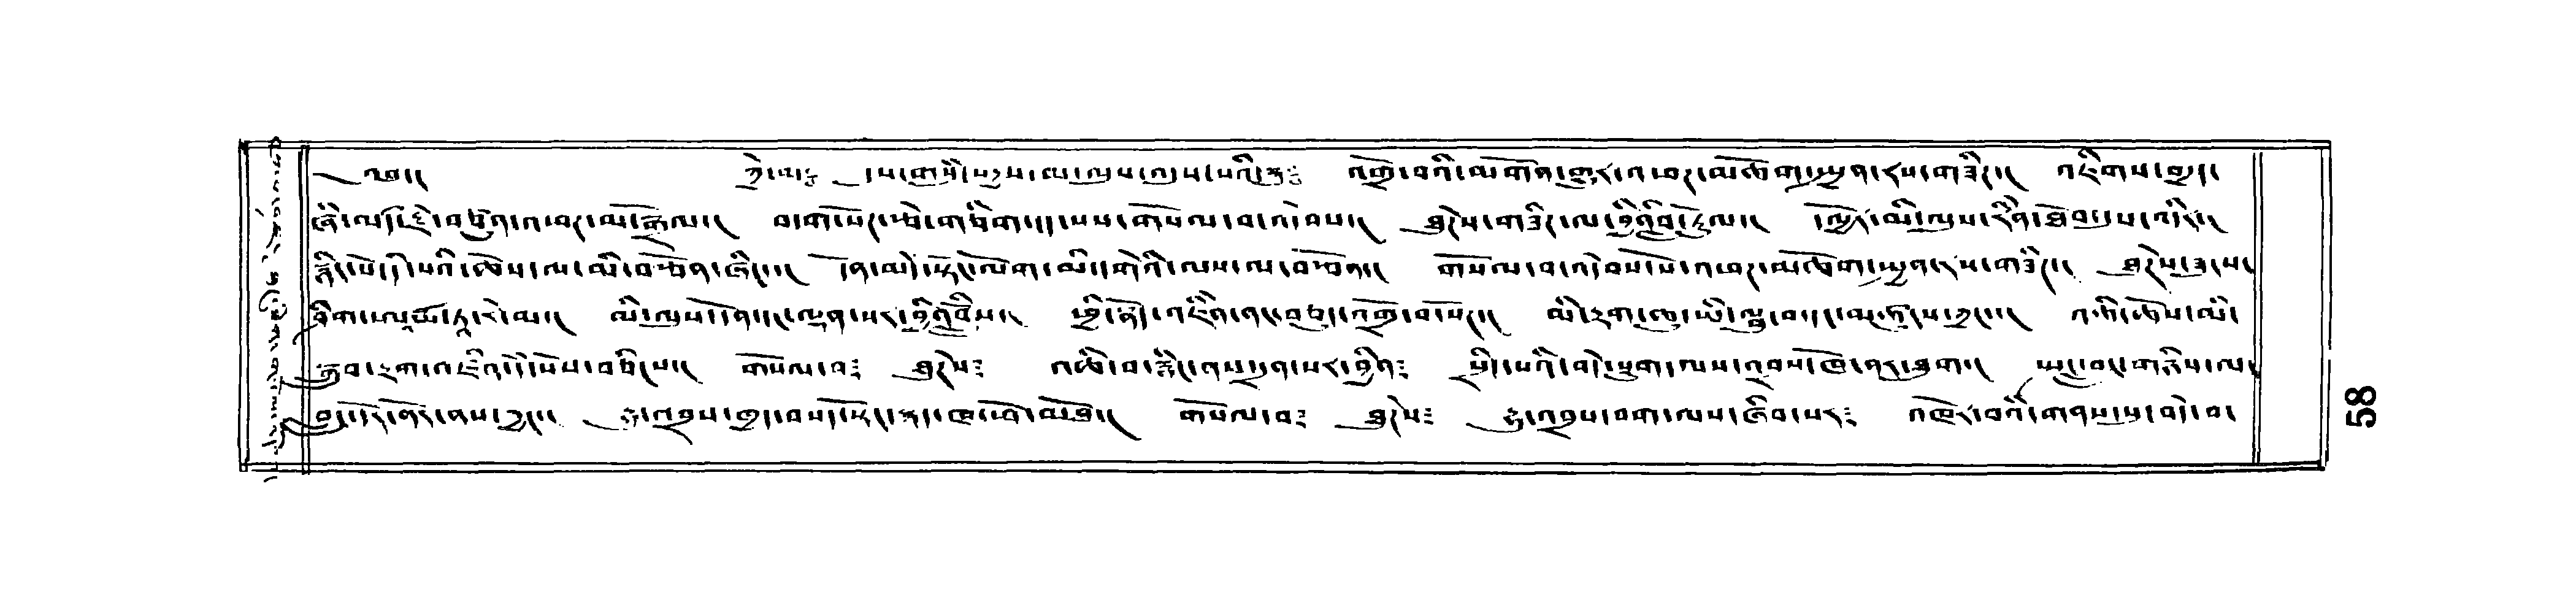ཀྱེ་མ། དུས་གསུམ་སངས་རྒྱས་མ་ལུས་འདུས་པའི་སྐུ། །འགྲོ་བའི་མགོན་གྱུར་འཕགས་མཆོག་སྤྱན་རས་གཟིགས། །འཇིགས་བརྒྱད་
ཞི་མཛད་རྗེ་བཙུན་འཕགས་མ་སྒྲོལ། །བདག་སོགས་རྩེ་གཅིག་དད་པས་གསོལ་བ་འདེབས། །ཐུགས་རྗེས་གཟིགས་ལ་བྱིན་གྱིས་བརླབ་ཏུ་གསོལ། །དལ་འབྱོར་མི་ལུས་རིན་ཆེན་ཐོབ་དུས་འདིར། །
སྙིང་པོ་དམ་པའི་ཆོས་ལ་མི་བརྩོན་ཞིང་། །དོན་མེད་སྟོང་ལོག་མི་དགེའི་ལས་ལ་བརྩོན། །གསོལ་བ་འདེབས་སོ་འཕགས་མཆོག་སྤྱན་རས་གཟིགས། །ཐུགས་རྗེས་ཟུངས་
ཤིག་ཨཱརྻ་ཏཱ་རེ་མ། །མི་ལུས་དོན་དང་ལྡན་པར་བྱིན་གྱིས་རློབས། །ཕྱི་སྣོད་འཇིག་རྟེན་ནང་བཅུད་འགྲོ་བ་སོགས། །མི་རྟག་ཆུ་ཡི་ལྦུ་བ་དང་མཚུངས་ཀྱང་། །འཆི་ཆོས་མི་
སྒྲུབ་རྟག་འཛིན་དམ་པོས་བཅིངས། །གསོལ་བ༴ ཐུགས་རྗེས༴ འཆི་བ་སྙིང་ནས་དྲན་པར་བྱིན༴ སྲིད་པའི་བདེ་སྡུག་ལས་འབྲས་ཁོ་ནར་ཐུག །སྤང་བླང་གཉིས་ལ་
བླང་དོར་ནོར་ནས་ཀྱང་། །རྒྱུ་འབྲས་ཁྱད་གསོད་སྟོང་སྐད་ཁ་ཕོ་མཐོ། །གསོལ་བ༴ ཐུགས་རྗེས༴ རྒྱུ་འབྲས་བག་ལས་ཞིབ་པར༴ འཁོར་བའི་གནས་སུ་བདེ་བ་